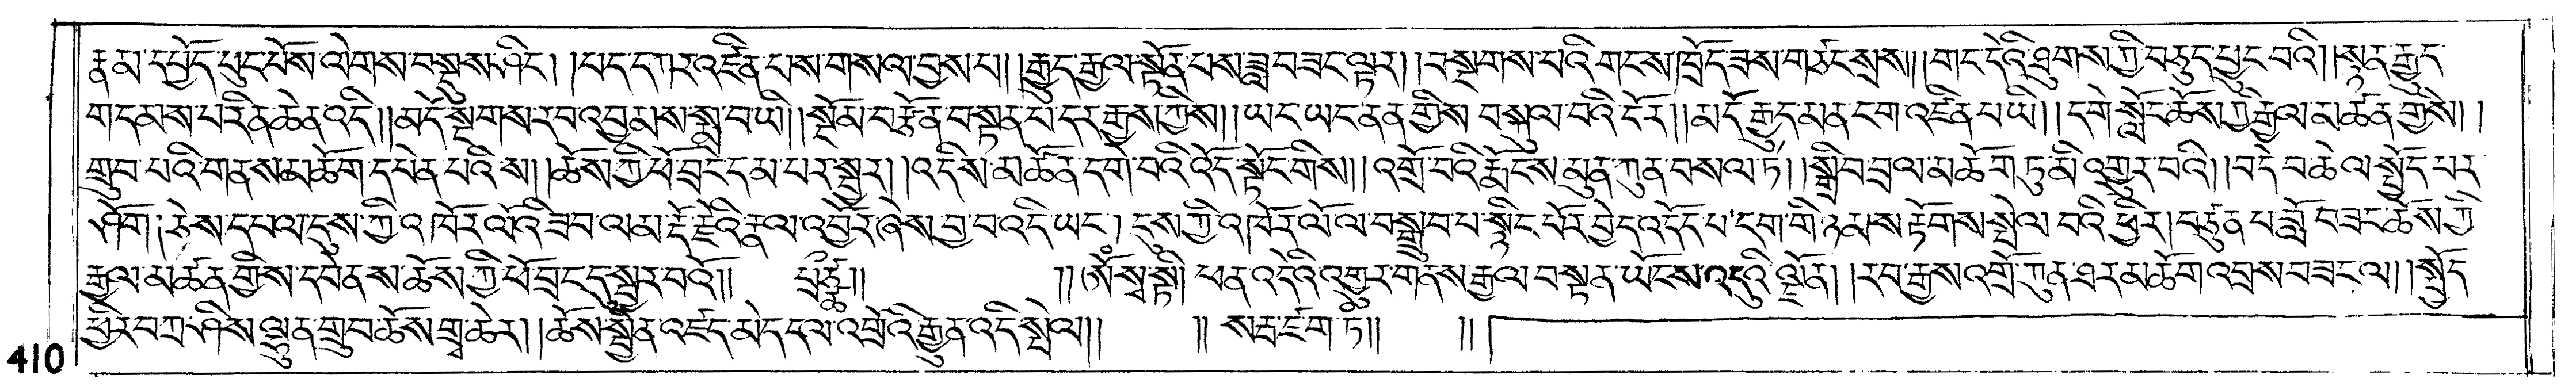རྣམ་དཔྱོད་ཕུང་པོས་ལེགས་བསྡུས་ཤིང་། །པད་དཀར་འཛིན་པས་གསལ་བྱས་པ། །རྒྱུད་རྒྱལ་སྟོན་པས་ཟླ་བཟང་ལྟར། །བསྔགས་པའི་གངས་ཁྲོད་ཟས་གཙང་སྲས། །གང་དེའི་ཐུགས་ཀྱི་བཅུད་ཕྱུང་བའི། །སྙན་རྒྱུད་
གདམས་པ་རིན་ཆེན་འདི། །མདོ་སྔགས་རབ་འབྱམས་སྨྲ་བ་ཡི། །སྡོམ་བརྩོན་བསྟན་པ་དར་རྒྱས་ཀྱིས། །ཡང་ཡང་ནན་གྱིས་བསྐུལ་བའི་ངོར། །མདོ་རྒྱུད་མན་ངག་འཛིན་པ་ཡི། །དགེ་སློང་ཆོས་ཀྱི་རྒྱལ་མཚན་གྱིས། །
གྲུབ་པའི་གནས་མཆོག་དཔེན་པའི་ས། །ཆོས་ཀྱི་ཕོ་བྲང་དམ་པར་སྦྱར། །འདིས་མཚོན་དགེ་བའི་འོད་སྟོང་གིས། །འགྲོ་བའི་རྨོངས་མུན་ཀུན་བསལ་ཏེ། །སྒྲིབ་བྲལ་མཆོག་ཏུ་མི་འགྱུར་བའི། །བདེ་བ་ཆེ་ལ་སྤྱོད་པར་
ཤོག །ཅེས་དཔལ་དུས་ཀྱི་འཁོར་ལོའི་ཟབ་ལམ་རྡོ་རྗེའི་རྣལ་འབྱོར་ཞེས་བྱ་བ་འདི་ཡང་། དུས་ཀྱི་འཁོར་ལོ་ལ་བསྒྲུབ་པ་སྙིང་པོར་བྱེད་འདོད་པ་དག་གི་ཉམས་རྟོགས་སྤེལ་བའི་ཕྱིར། བཙུན་པ་བློ་བཟང་ཆོས་ཀྱི་
རྒྱལ་མཚན་གྱིས་དབེན་ས་ཆོས་ཀྱི་ཕོ་བྲང་དུ་སྦྱར་བའོ།། པྲྀཙྪ།། །།ཨོཾ་སྭ་སྟི། ཕན་འདེའི་འགྱུར་གནས་རྒྱལ་བསྟན་ཡོངས་འདུའི་ལྗོན། །རབ་རྒྱས་འགྲོ་ཀུན་ཐར་མཆོག་འབྲས་བཟང་ལ། །སྤྱོད་
ཕྱིར་བཀྲ་ཤིས་ལྷུན་གྲུབ་ཆོས་གྲྭ་ཆེར། །ཆོས་སྦྱིན་འཛད་མེད་དལ་འགྲོའི་རྒྱུན་འདི་སྤེལ།། །།སརྦ་ཛ་ག་ཏཾ།། །།